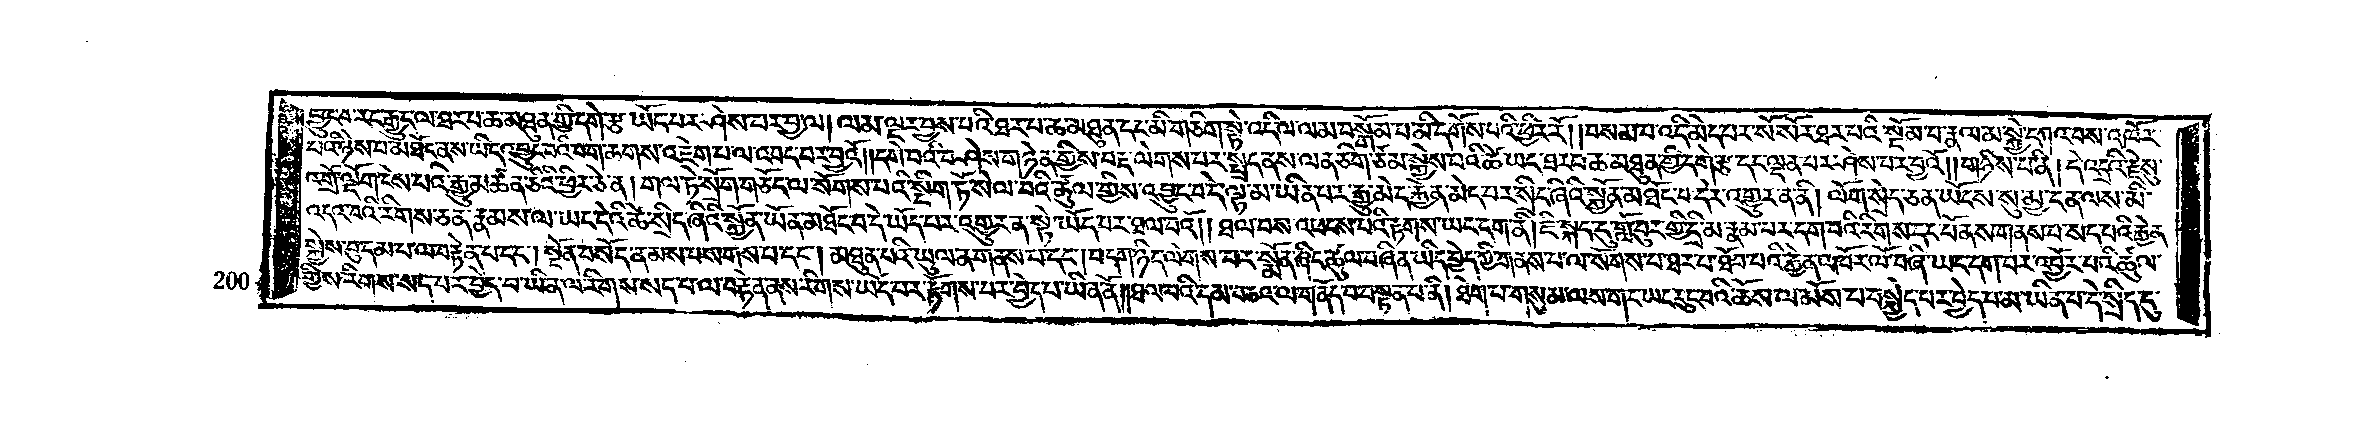བྱུང་བ་རང་རྒྱུད་ལ་ཐར་པ་ཆ་མཐུན་གྱི་དགེ་རྩ་ཡོད་པར་ཤེས་པར་བྱ་ལ། ལམ་ལྔར་བྱས་པའི་ཐར་པ་ཆ་མཐུན་དང་མི་གཅིག་སྟེ་འདི་ལ་ལམ་བསྒོམ་པ་མི་དགོས་པའི་ཕྱིར་རོ། །བསམ་པ་འདི་མེད་པར་སོ་སོར་ཐར་པའི་སྡོམ་པ་རྣལ་མ་སྐྱེ་དཀའ་བས་འཁོར་
བའི་ཉེས་པ་མཐོང་ནས་ཡིད་འབྱུང་བའི་བག་ཆགས་འཇིག་པ་ལ་འབད་པར་བྱའོ། །དགེ་བའི་བཤེས་གཉེན་གྱིས་བརྡ་ལེགས་པར་སྤྲད་ནས་ལན་ཅིག་ཙམ་སྐྱེས་པའི་ཚེ་ཡང་ཐར་པ་ཆ་མཐུན་གྱི་དགེ་རྩ་དང་ལྡན་པར་ཤེས་པར་བྱའོ། །གཉིས་པ་ནི། དེ་འདྲའི་རྗེས་སུ་
འགྲོ་ལྡོག་ངེས་པའི་རྒྱུ་མཚན་ཅིའི་ཕྱིར་ཅེ་ན། གལ་ཏེ་སྲོག་གཅོད་ལ་སོགས་པའི་སྡིག་ཏོ་སེལ་བའི་ཚུལ་གྱིས་འབྱུང་བ་དེ་ལྟ་མ་ཡིན་པར་རྒྱུ་མེད་རྐྱེན་མེད་པར་སྲིད་ཞིའི་སྐྱོན་མཐོང་བ་དེར་འགྱུར་ན་ནི། ལོག་སྲེད་ཅན་ཡོངས་སུ་མྱ་ངན་ལས་མི་
འདའ་བའི་རིགས་ཅན་རྣམས་ལ་ཡང་དེའི་ཚེ་སྲིད་ཞིའི་སྐྱོན་ཡོན་མཐོང་བ་དེ་ཡོད་པར་འགྱུར་ན་སྟེ་ཡོད་པར་ཐལ་པའོ། །ཐལ་པས་འཕངས་པའི་རྟགས་ཡང་དག་ནི། ཇི་སྐད་དུ་གློ་བུར་གྱི་དྲི་མ་རྣམ་པར་དག་པའི་རིགས་དང་པོ་ནས་གནས་པ་སད་པའི་རྐྱེན་
སྐྱེས་བུ་དམ་པ་ལ་བརྟེན་པ་དང་། སྔོན་བསོད་ནམས་བསགས་པ་དང་། མཐུན་པའི་ཡུལ་ན་གནས་པ་དང་། བདག་ཉིད་ལེགས་པར་སྨོན་ཞིང་ཚུལ་བཞིན་ཡིད་བྱེད་ཀྱི་གནས་པ་ལ་སོགས་པ་ཐར་པ་ཐོབ་པའི་རྐྱེན་འཁོར་ལོ་བཞི་ཡང་དག་པར་འབྱོར་བའི་ཚུལ་
གྱིས་རིགས་སད་པར་བྱེད་པ་ཡིན་ལ་རིགས་སད་པ་ལ་བརྟེན་ནས་རིགས་ཡོད་པར་རྟོགས་པར་བྱེད་པ་ཡིན་ནོ། །ཐལ་བའི་དམ་བཅའ་ལ་གནོད་པ་བསྟན་པ་ནི། ཐེག་པ་གསུམ་ལས་གང་ཡང་རུང་བའི་ཆོས་ལ་མོས་པ་བསྐྱེད་པར་བྱེད་པ་མ་ཡིན་པ་དེ་སྲིད་དུ་